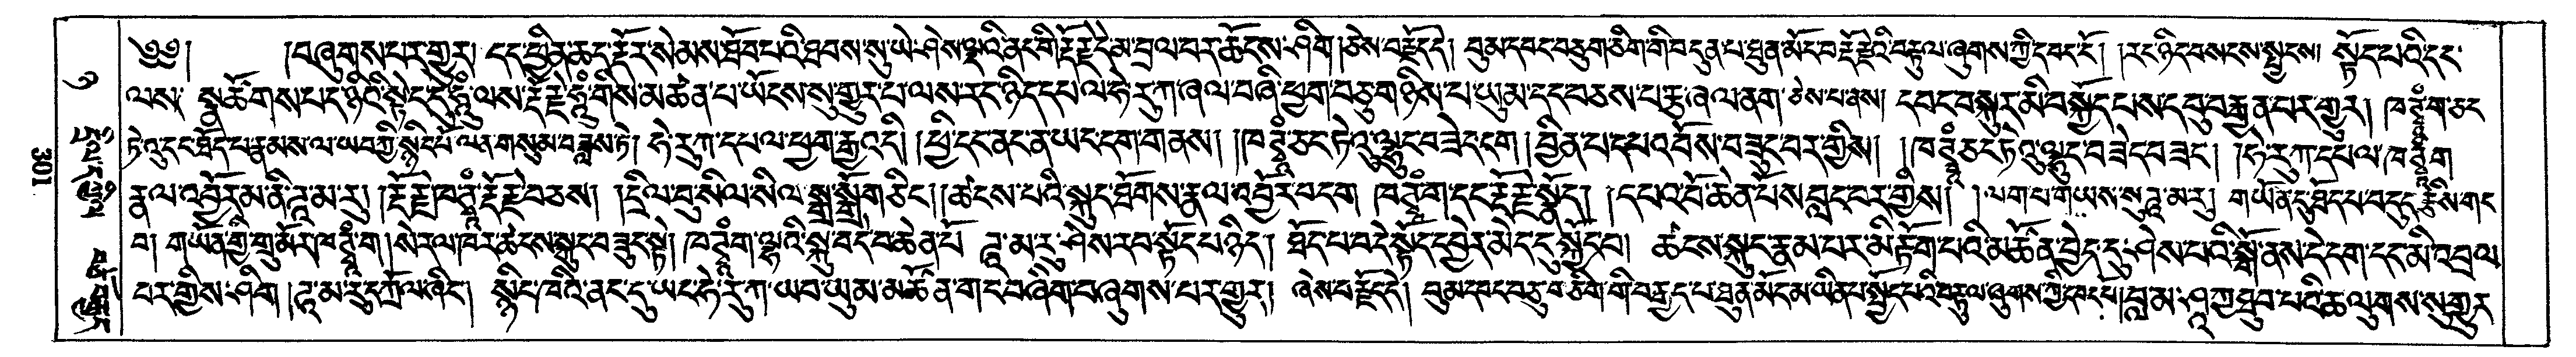༄༅། །བཞུགས་པར་གྱུར། དེང་ཕྱིན་ཆད་རྡོར་སེམས་ཐོབ་པའི་ཐབས་སུ་ཡེ་ཤེས་ལྔའི་ནང་གི་རྡོ་རྗེ་དེ་མ་བྲལ་བར་ཆོངས་ཤིག། ཅེས་བརྗོད་དེ། བུམ་དབང་བཅུ་གཅིག་གི་བདུན་པ་ཐུན་མོང་བརྡོ་རྗེའི་བརྟུལ་ཞུགས་ཀྱི་དབང་ངོ། །རང་ཉིད་བསངས་སྦྱངས། སྟོང་པའི་ངང་
ལས༑ སྣ་ཚོགས་པད་ཉིའི་སྟེང་དུ་ཧཱུཾ་ལས་རྡོ་རྗེ་ཧཱུཾ་གིས་མཚན་པ་ཡོངས་སུ་གྱུར་པ་ལས་རང་ཉིད་དཔལ་ཧེ་རུ་ཀ་ཞལ་བཞི་ཕྱག་བཅུ་གཉིས་པ་ཡུམ་དང་བཅས་པ་རྩ་ཞལ་ནག་ཅེས་པ་ནས། དབང་བསྐུར་མི་བསྐྱོད་པས་དབུ་བརྒྱན་པར་གྱུར། ཁཊVའཾ་གཅང་
ཏེའུ་ངང་ཐོད་པ་རྣམས་ལ་ཡབ་ཀྱི་སྙིང་པོ་ལན་གསུམ་བཟླས་ཏེ། ཧེ་རུ་ཀ་དཔལ་ཕྱག་རྒྱ་འདི། །ཕྱི་དང་ནང་ན་ཡང་དག་གནས། །ཁཊྭཱཾ་ཅང་ཏེའུ་ལྷུང་བཟེད་དག། བྱིན་པ་དཔའ་བོས་བཟུང་བར་གྱིས། །ཁ་ཊྭཱཾ་ཅང་ཏེའུ་ལྷུང་བཟེད་བཟང་། །ཧེ་རུ་ཀ་དཔལ་ཁ་ཊཱཾ་ག།
རྣལ་འབྱོར་མ་ནི་ཌཱ་མ་རུ། །རྡོ་རྗེ་ཁ་ཊྭཱཾ་རྡོ་རྗེ་བཅས། །དྲིལ་བུ་སིལ་སིལ་སྒྲ་སྒྲོག་ཅིང་། །ཚངས་པའི་སྐུད་ཐོགས་རྣལ་འབྱོར་བདག །ཁ་ཊྭཱ་ག་དང་རྡོ་རྗེ་སྣོད། །དཔའ་བོ་ཆེན་པོས་བླང་བར་གྱིས། །ལག་པ་གཡས་སུ་ཌཱ་མ་རུ། གཡོན་དུ་ཐོང་པ་བདུད་རྩིས་གང་
བ༑ གཡོན་གྱི་གྲུ་མོར་ཁ་ཊྲཱཾ་ག །སེ་རལ་ཁར་ཚངས་སྐུད་བཟུང་སྟེ། ཁ་ཊྭཱཾ་ག་ལྷའི་སྐུ་བདེ་བ་ཆེན་པོ། ཌཱ་མ་རུ་ཤེས་རབ་སྟོང་པ་ཉིད། ཐོད་པ་བདེ་སྟོང་དབྱེར་མེད་དུ་སྐྱོང་བ། ཚངས་སྐུད་རྣམ་པར་མི་རྟོག་པའི་མཚོན་བྱེད་དུ་ཤེས་པའི་སྒོ་ནས་དེ་དག་དང་མི་འབྲལ་
བར་གྱིས་ཤིག །ཌཱ་མ་རུ་དཀྲོལ་ཞིང་། སྙིང་ཁའི་ནང་དུ་ཡང་ཧེ་རུ་ཀ་ཡབ་ཡུམ་མཚོན་གང་པ་ཞིག་བཞུགས་པར་གྱུར། ཞེས་བརྗོད་དེ། བུམ་དབང་བཅུ་གཅིག་གི་བརྒྱད་པ་ཐུན་མོང་མ་ཡིན་པ་སྤྱོད་པའི་བརྟུལ་ཞུགས་ཀྱི་དབང་ངོ། །བླ་མ་ཤཱཀྱ་ཐུབ་པའི་ཆ་ལུགས་སུ་གྱུར་